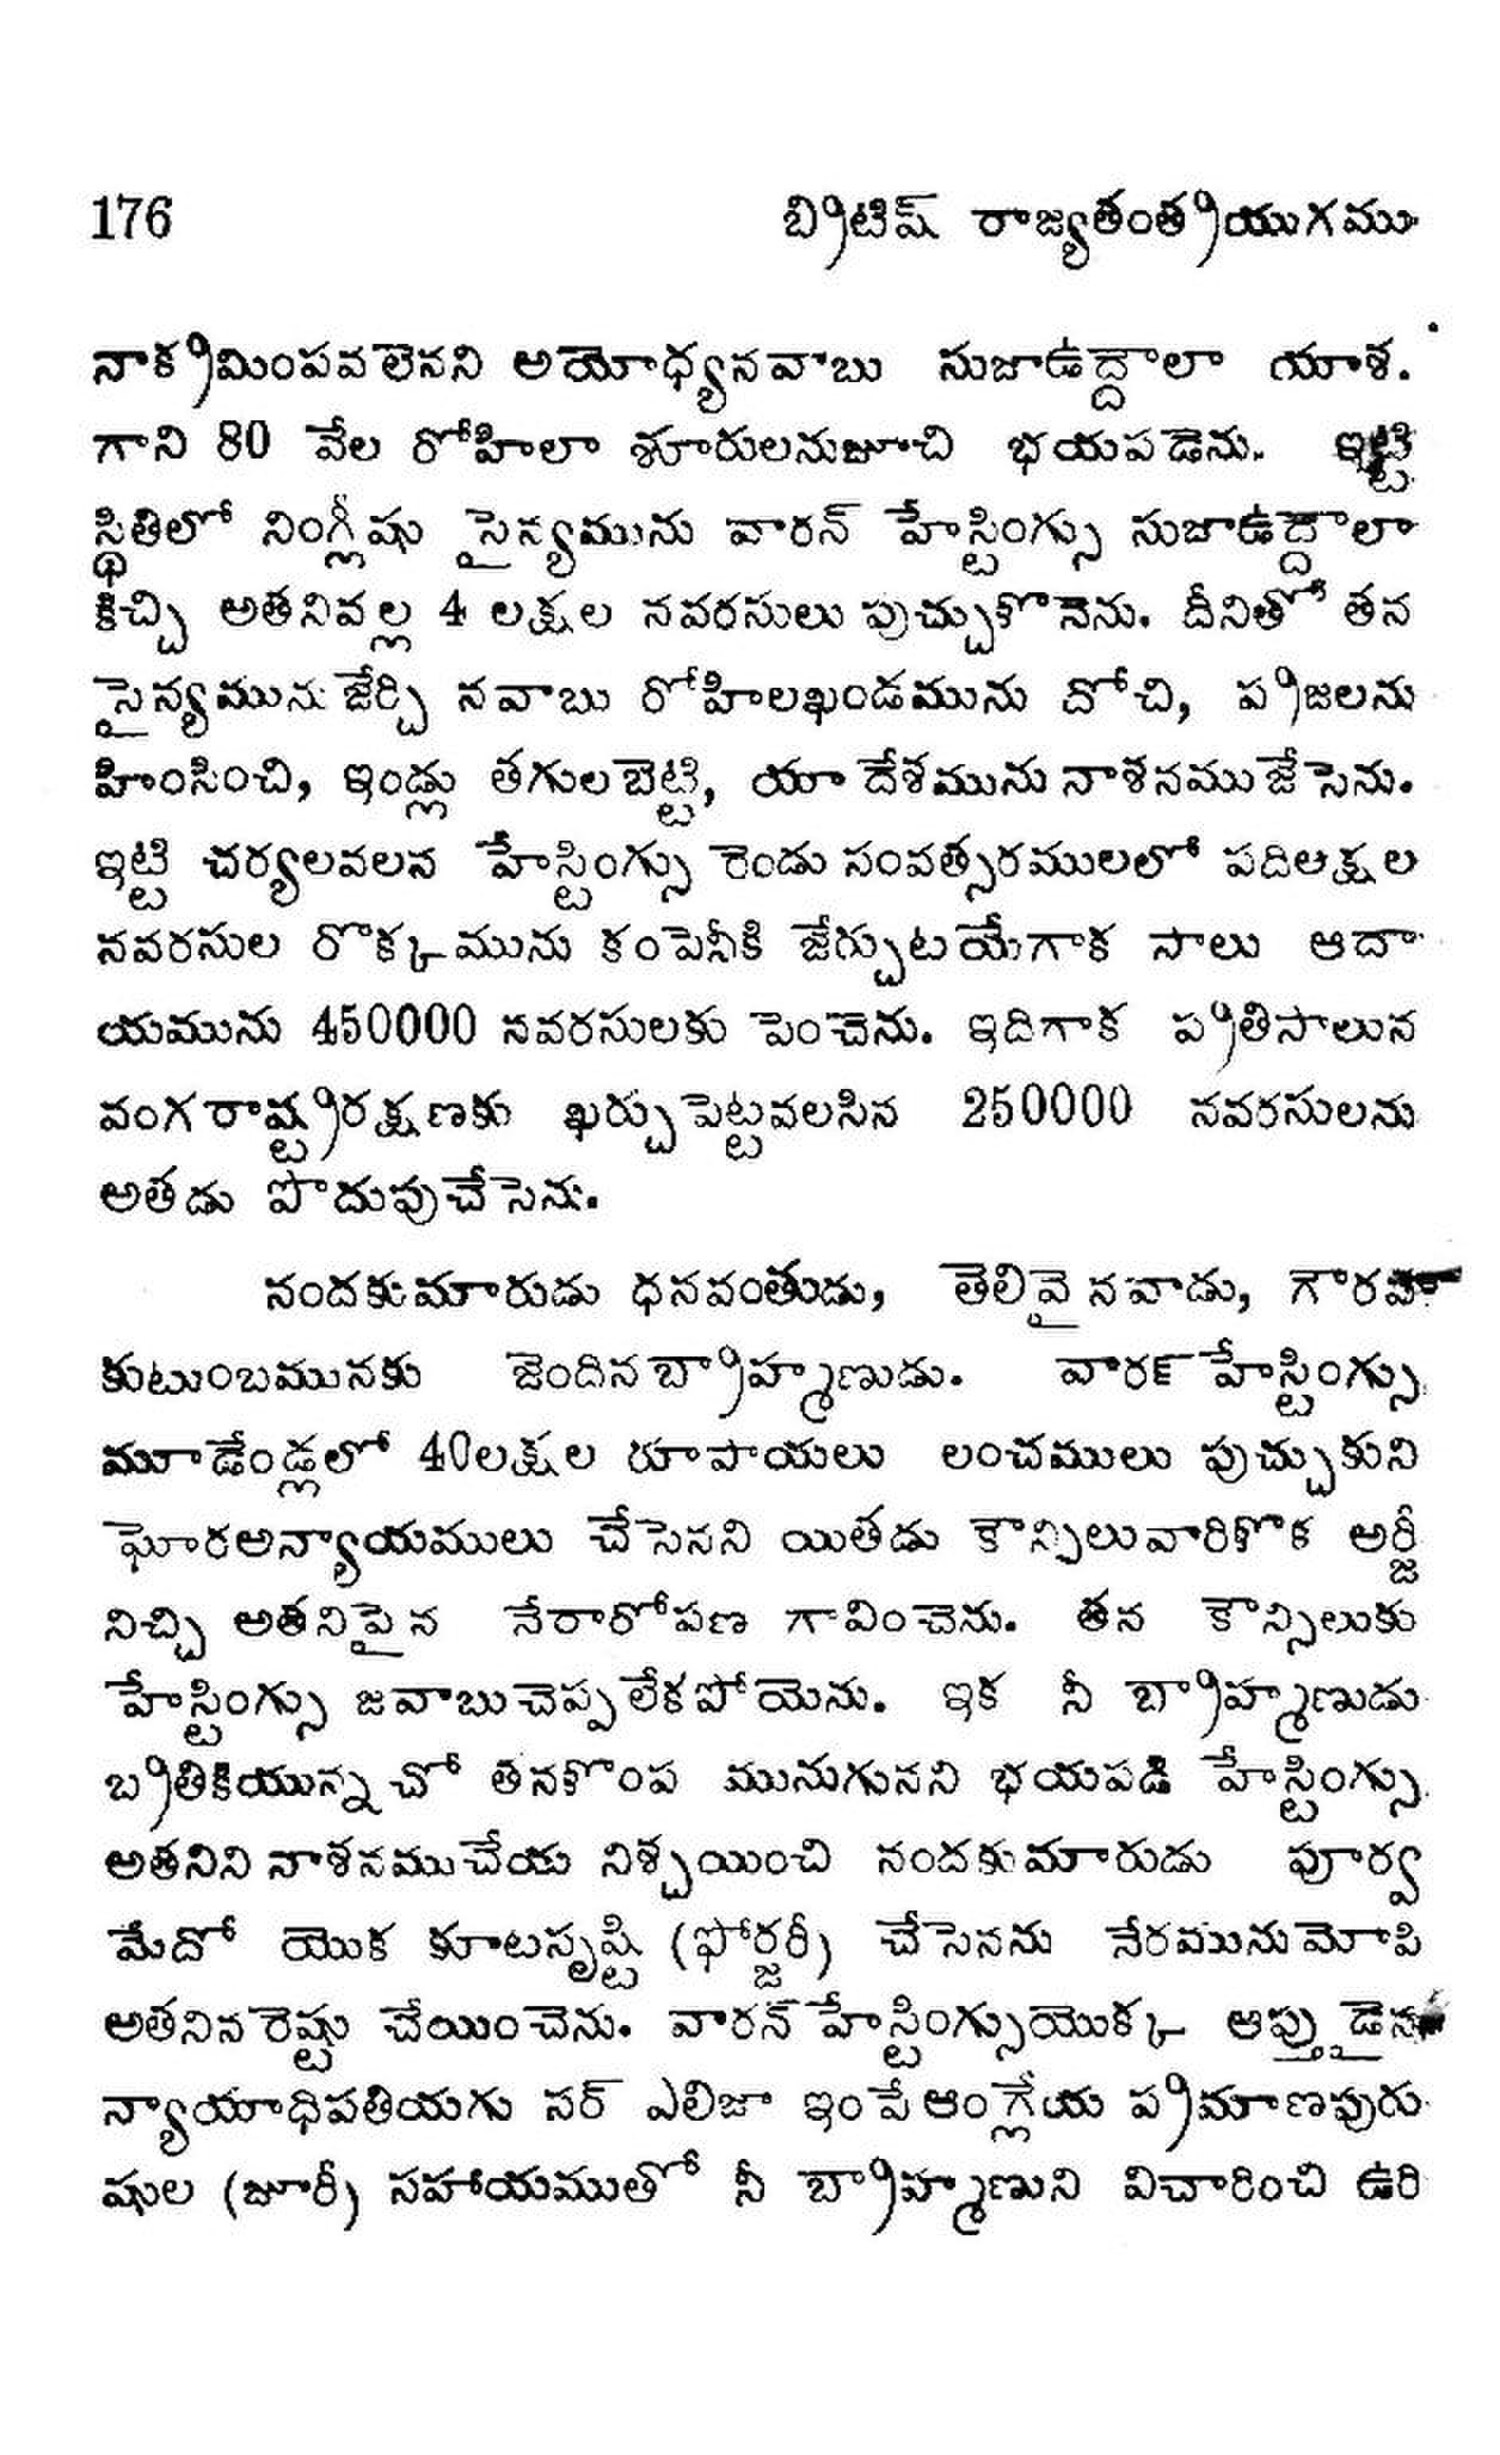నాక్రమింపవలెనని అయోధ్యనవాబు సుజాఉద్దౌలా యాశ. గాని 80 వేల రోహిలా శూరులనుజూచి భయపడెను. ఇట్టి స్థితిలో నింగ్లీషు సైన్యమును వారన్ హేస్టింగ్సు సుజాఉద్దౌలా కిచ్చి అతనివల్ల 4 లక్షల నవరసులు పుచ్చుకొనెను. దీనితో తన సైన్యమును జేర్చి నవాబు రోహిలఖండమును దోచి, ప్రజలను హింసించి, ఇండ్లు తగులబెట్టి, యా దేశమును నాశనముజేసెను. ఇట్టి చర్యలవలన హేస్టింగ్సు రెండు సంవత్సరములలో పదిలక్షల నవరసుల రొక్కమును కంపెనీకి జేర్పుటయేగాక సాలు ఆదాయమును 450000 నవరసులకు పెంచెను. ఇదిగాక ప్రతిసాలున వంగరాష్ట్రరక్షణకు ఖర్చుపెట్టవలసిన 250000 నవరసులను అతడు పొదుపుచేసెను.

నందకుమారుడు ధనవంతుడు, తెలివైనవాడు, గౌరవ కుటుంబమునకు జెందినబాహ్మణుడు. వార౯ హేస్టింగ్సు మూడేండ్లలో 40లక్షల రూపాయలు లంచములు పుచ్చుకుని ఘోర అన్యాయములు చేసెనని యితడు కౌన్సిలువారికొక అర్జీ నిచ్చి అతనిపైన నేరారోపణ గావించెను. తన కౌన్సిలుకు హేస్టింగ్సు జవాబు చెప్పలేకపోయెను. ఇక నీ బాహ్మణుడు బ్రతికియున్నచో తనకొంప మునుగునని భయపడి హేస్టింగ్సు అతనిని నాశనముచేయ నిశ్చయించి నందకుమారుడు పూర్వ మేదో యొక కూటసృష్టి, (ఫోర్జరీ) చేసెనను నేరమునుమోపి అతనినరెష్టు చేయించెను. వారన్ హేస్టింగ్సుయొక్క అప్తుడైన న్యాయాధిపతియగు సర్ ఎలిజా ఇంపే ఆంగ్లేయ ప్రమాణపురుషుల (జూరీ) సహాయముతో నీ బాహ్మణుని విచారించి ఉరి